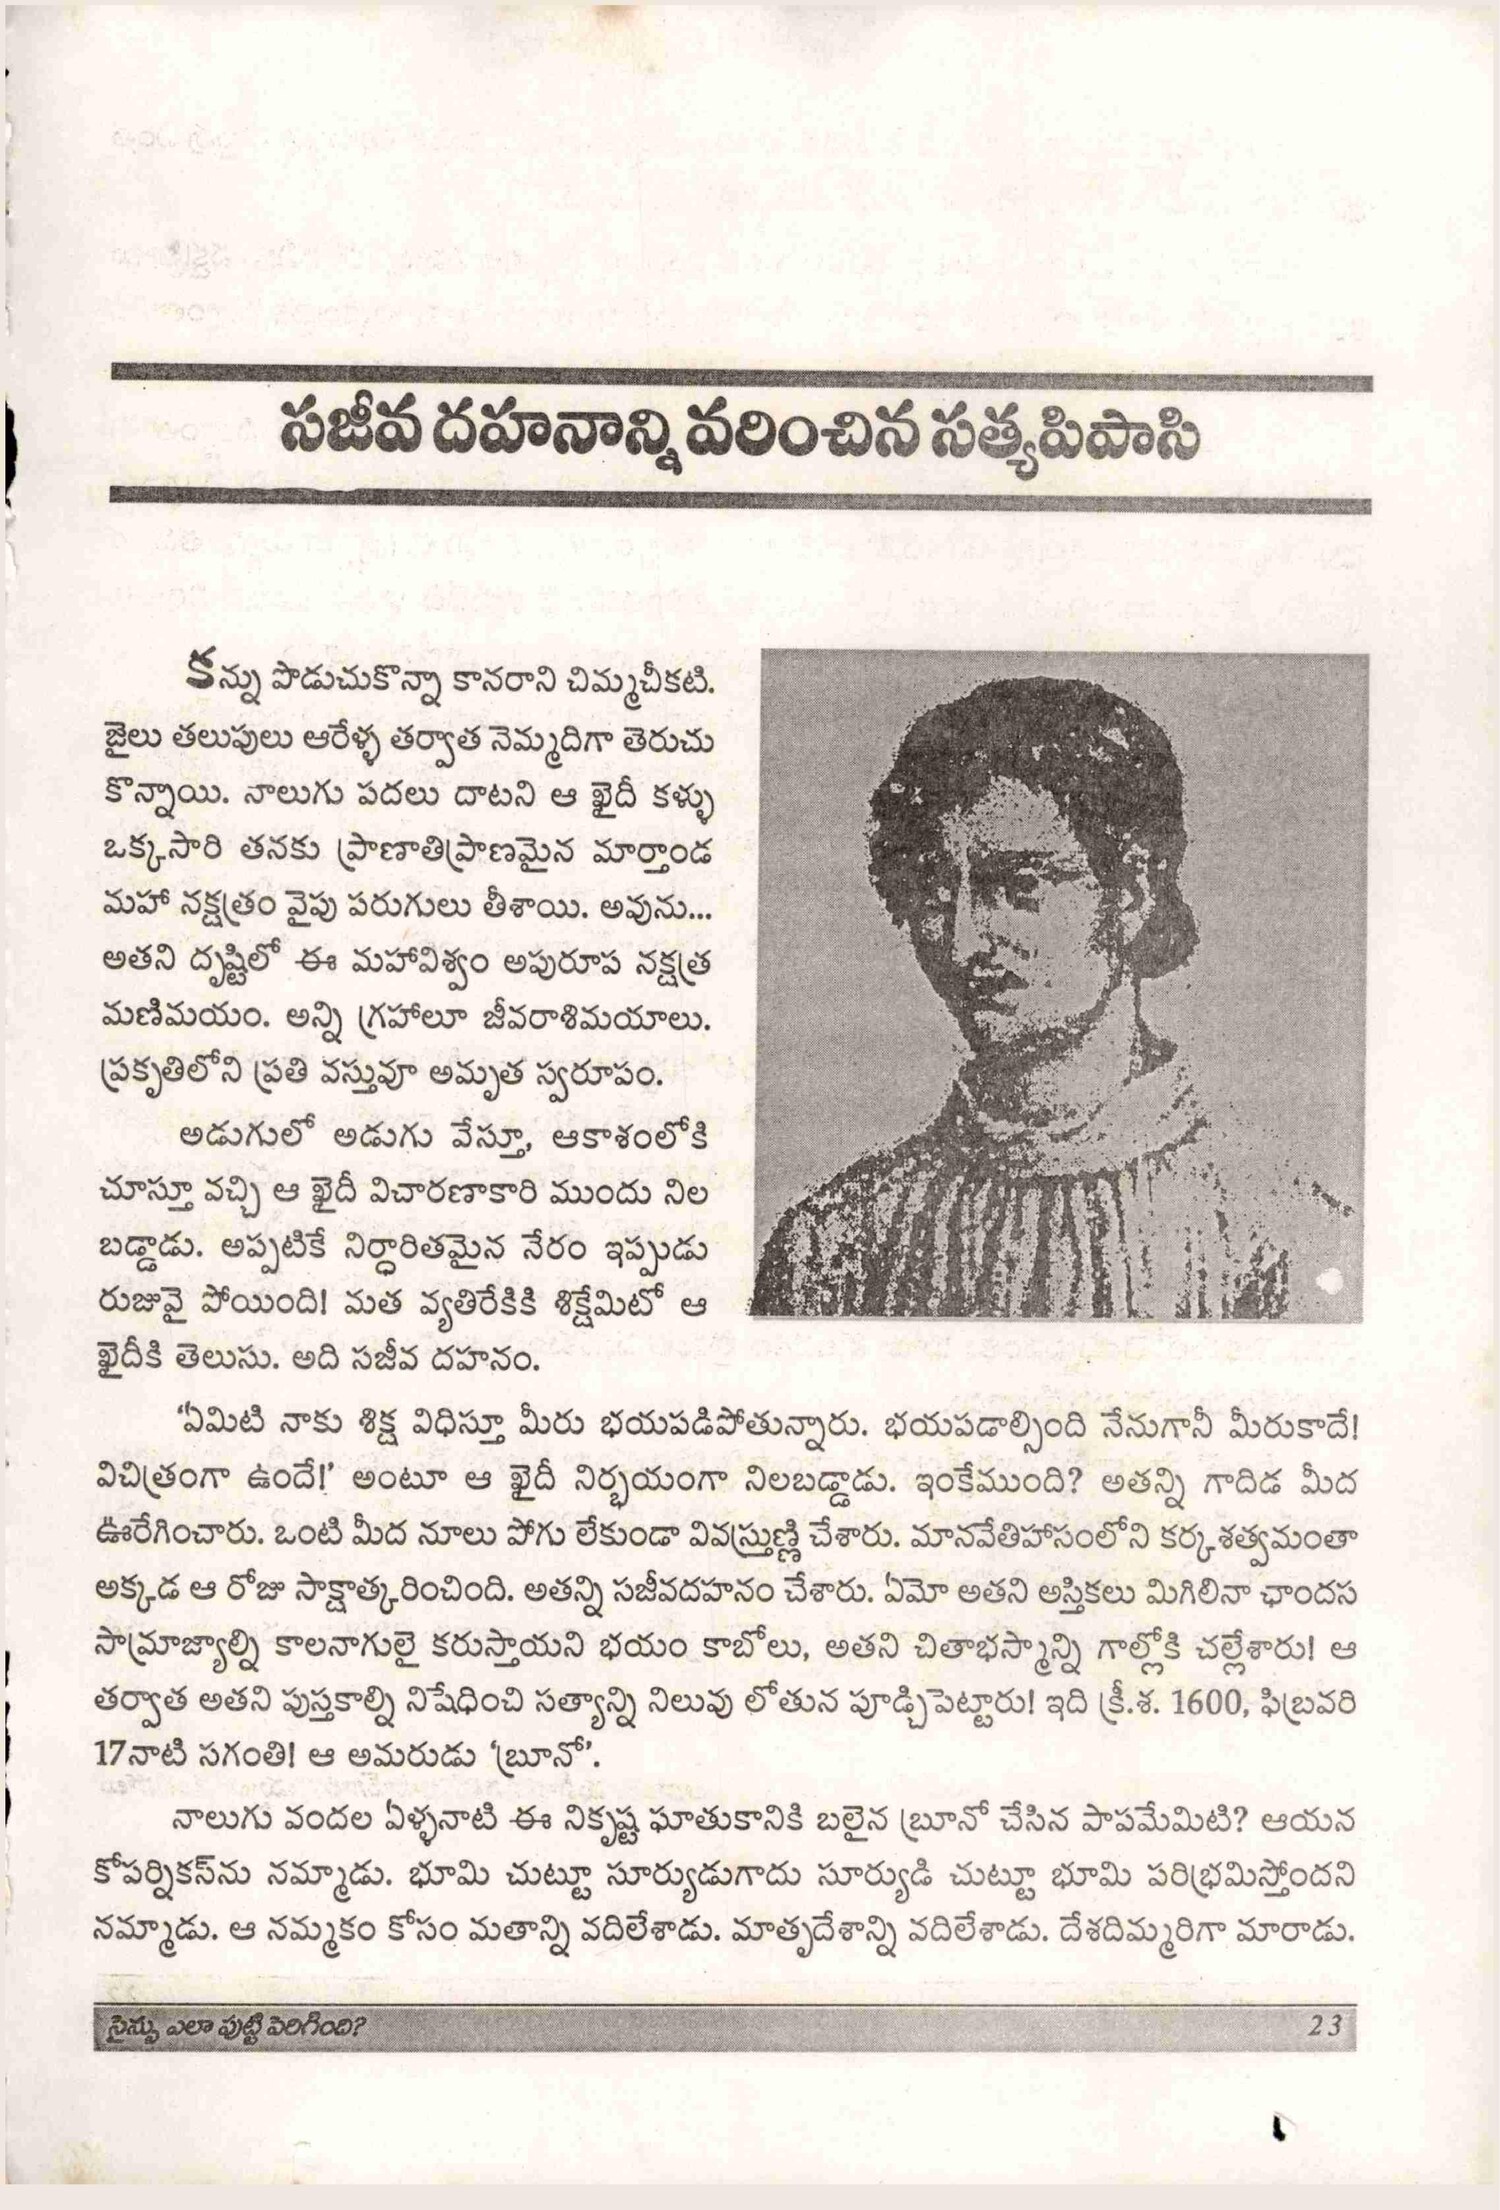సజీవ దహనాన్ని వరించిన సత్యపిపాసి

కన్ను పొడుచుకొన్నా కానరాని చిమ్మచీకటి. జైలు తలుపులు ఆరేళ్ళ తర్వాత నెమ్మదిగా తెరుచుకొన్నాయి. నాలుగు పదులు దాటని ఆ ఖైదీ కళ్ళు ఒక్కసారి తనకు ప్రాణాతిప్రాణమైన మార్తాండ మహా నక్షత్రం వైపు పరుగులు తీశాయి. అవును... అతని దృష్టిలో ఈ మహావిశ్వం అపురూప నక్షత్ర మణిమయం. అన్ని గ్రహాలూ జీవరాశిమయాలు.
ప్రకృతిలోని ప్రతి వస్తువూ అమృత స్వరూపం.

అడుగులో అడుగు వేస్తూ, ఆకాశంలోకి చూస్తూ వచ్చి ఆ ఖైదీ విచారణాకారి ముందు నిలబడ్డాడు. అప్పటికే నిర్ధారితమైన నేరం ఇప్పుడు రుజువై పోయింది! మత వ్యతిరేకికి శిక్షేమిటో ఆ ఖైదీకి తెలుసు. అది సజీవ దహనం.

'ఏమిటి నాకు శిక్ష విధిస్తూ మీరు భయపడిపోతున్నారు. భయపడాల్సింది నేనుగానీ మీరుకాదే విచిత్రంగా ఉందే!' అంటూ ఆ ఖైదీ నిర్భయంగా నిలబడ్డాడు. ఇంకేముంది? అతన్ని గాడిద మీద ఊరేగించారు. ఒంటి మీద నూలు పోగు లేకుండా వివస్త్రుణ్ణి చేశారు. మానవేతిహాసంలోని కర్కశత్వమంతా అక్కడ ఆ రోజు సాక్షాత్కరించింది. అతన్ని సజీవదహనం చేశారు. ఏమో అతని అస్తికలు మిగిలినా ఛాందస సామ్రాజ్యాల్ని కాలనాగులై కరుస్తాయని భయం కాబోలు, అతని చితాభస్మాన్ని గాల్లోకి చల్లేశారు! తర్వాత అతని పుస్తకాల్ని నిషేధించి సత్యాన్ని నిలువు లోతున పూడ్చిపెట్టారు! ఇది క్రీ.శ. 1600, ఫిబ్రవరి 17నాటి సగంతి! ఆ అమరుడు 'బ్రూనో'.

నాలుగు వందల ఏళ్ళనాటి ఈ నికృష్ట ఘాతుకానికి బలైన బ్రూనో చేసిన పాపమేమిటి? ఆయన కోపర్నికస్‌ను నమ్మాడు. భూమి చుట్టూ సూర్యుడుగాదు సూర్యుడి చుట్టూ భూమి పరిభ్రమిస్తోందని నమ్మాడు. ఆ నమ్మకం కోసం మతాన్ని వదిలేశాడు. మాతృదేశాన్ని వదిలేశాడు. దేశదిమ్మరిగా మారాడు.